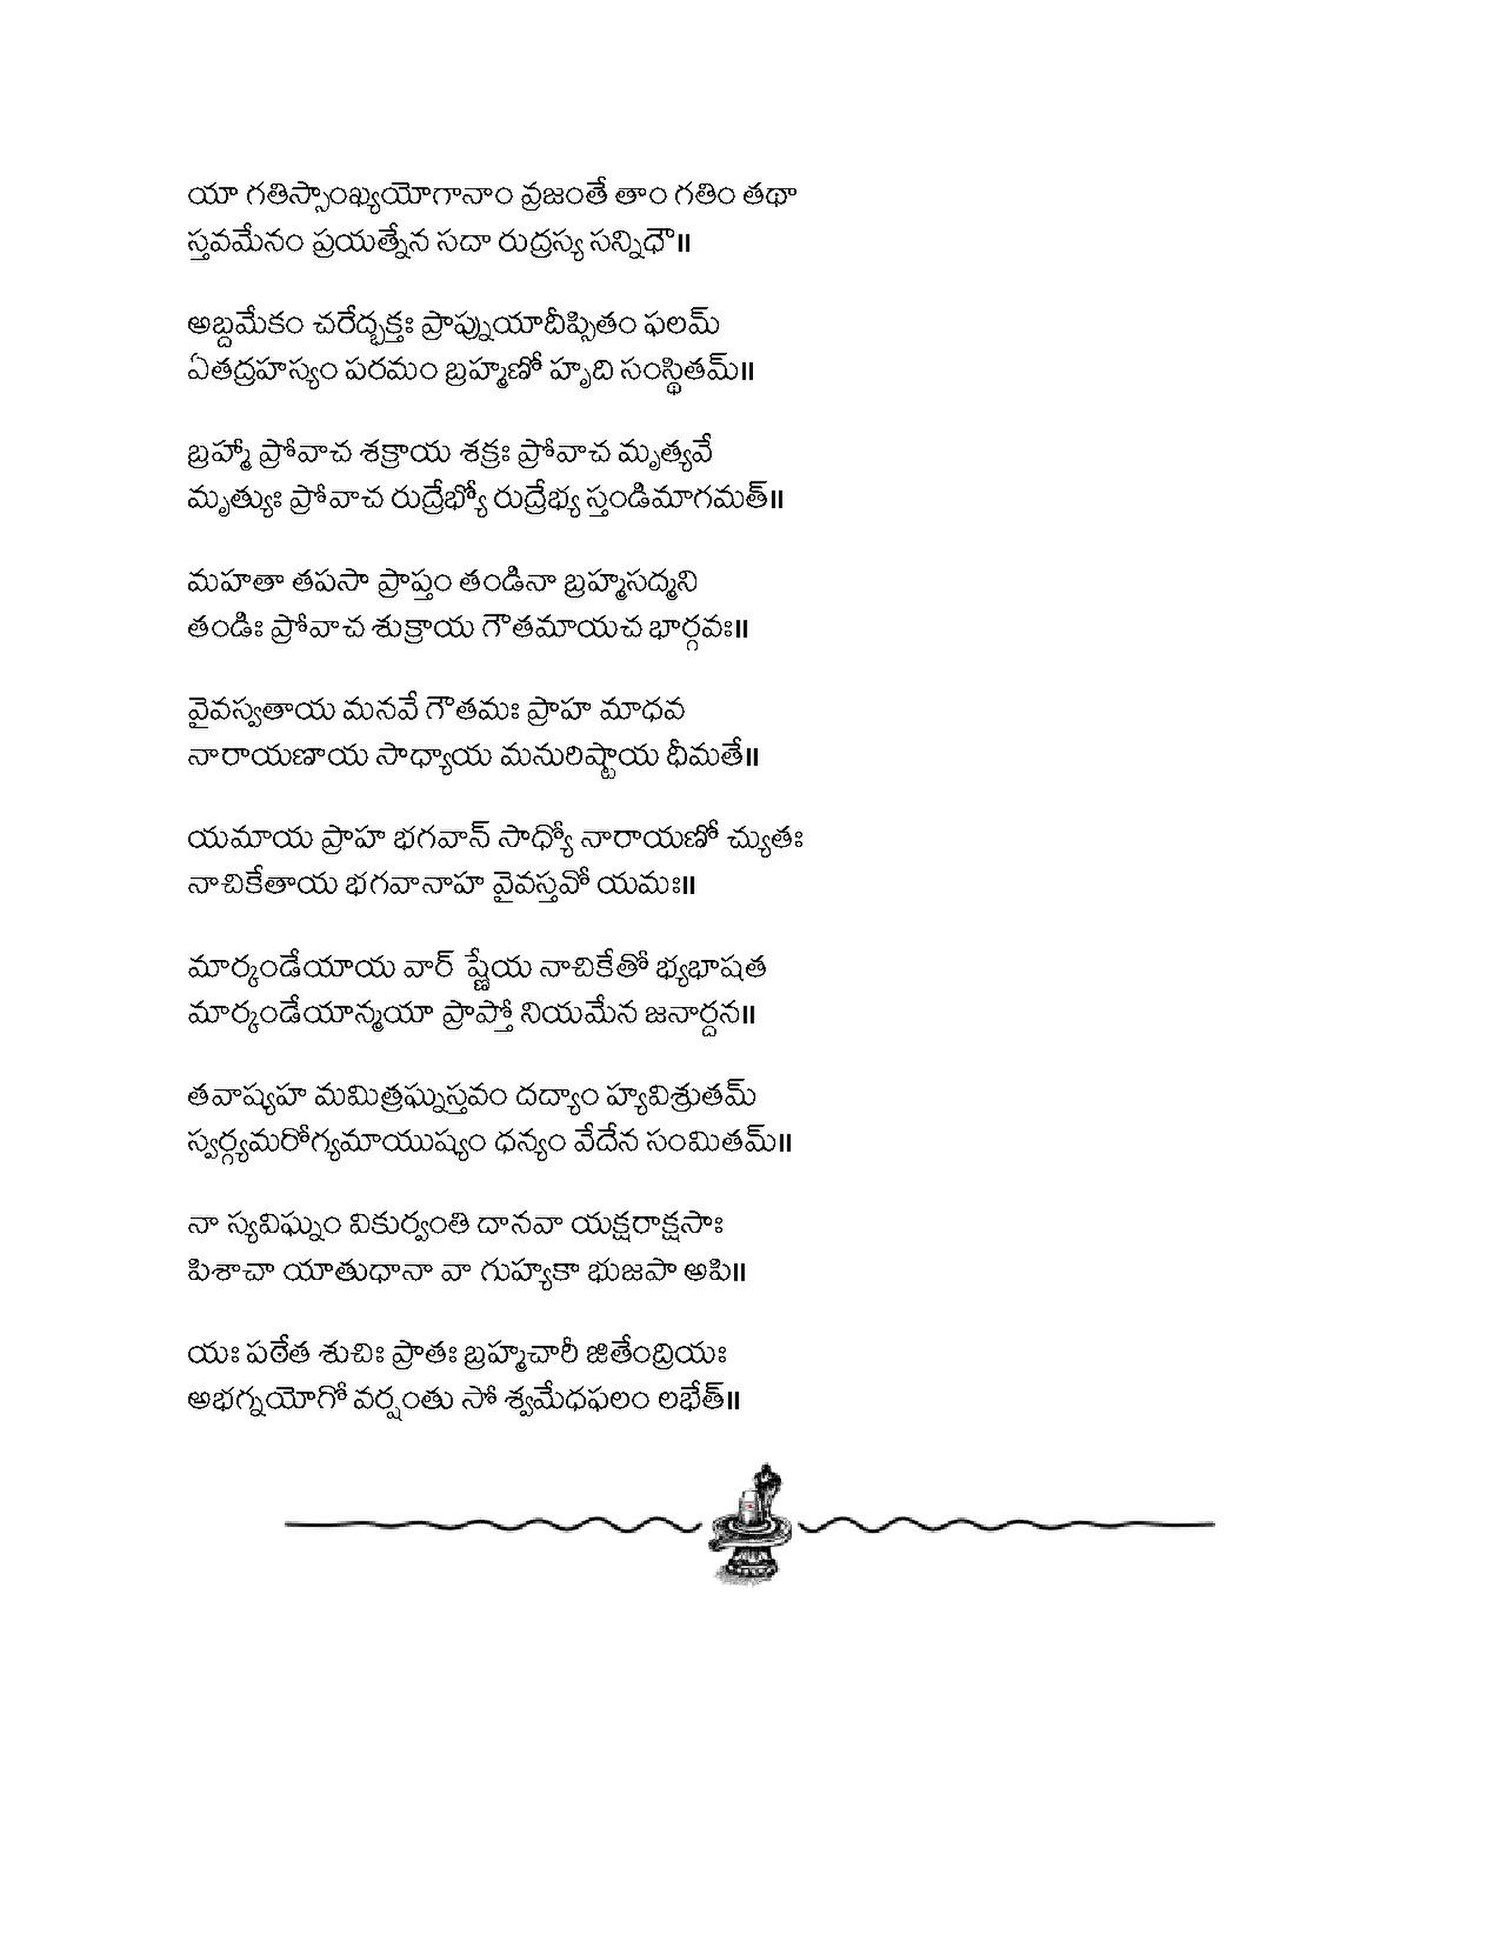యా గతిస్సాంఖ్యయోగానాం వ్రజంతే తాం గతిం తథా
స్తవమేనం ప్రయత్నేన సదా రుద్రస్య సన్నిధౌ||

అబ్దమేకం చరేద్భక్తః ప్రాప్నుయాదీప్సితం ఫలమ్
ఏతద్రహస్యం పరమం బ్రహ్మణో హృది సంస్థితమ్ ||

బ్రహ్మా ప్రోవాచ శక్రాయ శక్తః ప్రోవాచ మృత్యవే
మృత్యుః ప్రోవాచ రుద్రేభ్యో రుద్రేభ్య స్తండిమాగమత్ ||

మహతా తపసా ప్రాప్తం తండినా బ్రహ్మసద్మని
తండిః ప్రోవాచ శుక్రాయ గౌతమాయచ భార్గవః||

వైవస్వతాయ మనవే గౌతమః ప్రాహ మాధవ
నారాయణాయ సాధ్యాయ మనురిష్టాయ ధీమతే ||

యమాయ ప్రాహ భగవాన్ సాధ్యో నారాయణో చ్యుతః
నాచికేతాయ భగవానాహ వైవస్తవో యమః||

మార్కండేయాయ వార్ ష్ణేయ నాచికేతో భ్యభాషత
మార్కండేయాన్మయా ప్రాప్తో నియమేన జనార్దన||

తవాష్యహ మమిత్రఘ్నస్తవం దద్యాం హ్యవిశ్రుతమ్
స్వర్గ్యమరోగ్యమాయుష్యం ధన్యం వేదేన సంమితమ్ ||

నా స్యవిఘ్నం వికుర్వంతి దానవా యక్షరాక్షసాః
పిశాచా యాతుధానా వా గుహ్యకా భుజపా అపి||

యః పఠేత శుచిః ప్రాతః బ్రహ్మచారీ జితేంద్రియః
అభగ్నయోగో వర్షంతు సోశ్వమేధఫలం లభేత్ ||